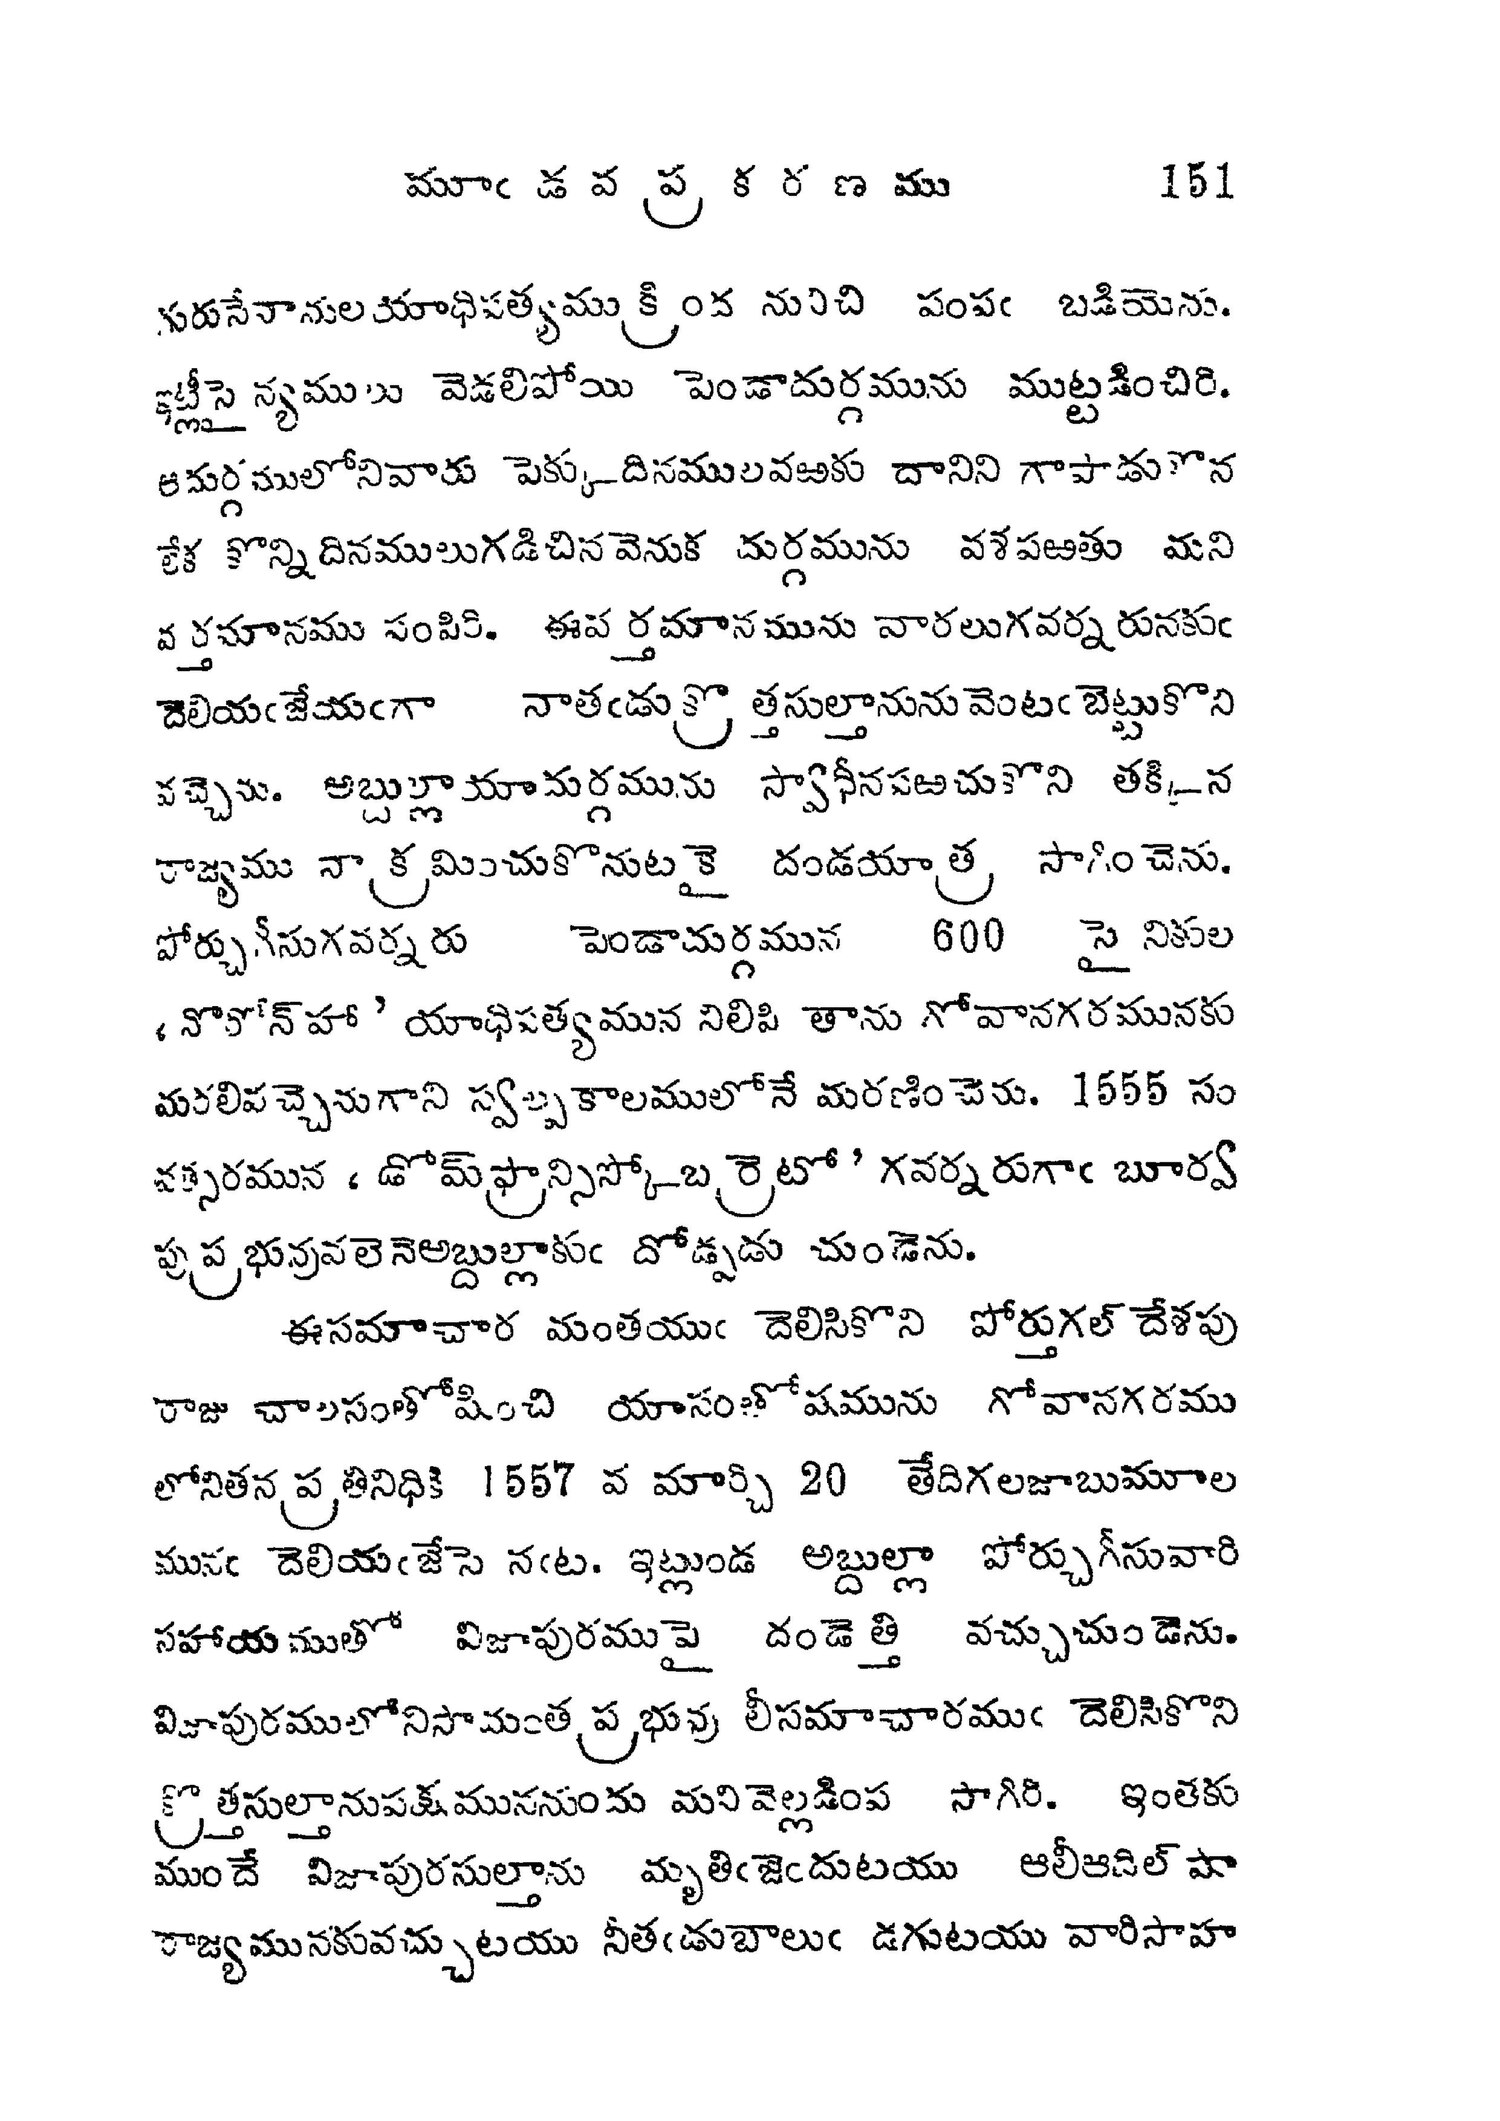గురుసేనానులయాధిపత్యముక్రింద నునిచి పంప బడియెను. ఇట్లీసైన్యములు వెడలిపోయి పెండాదుర్గమును ముట్టడించిరి. ఆదుర్గములోనివారు పెక్కుదినములవఱకు దానిని గాపాడుకొనలేక కొన్నిదినములుగడిచినవెనుక దుర్గమును వశపఱతు మని వర్తమానము పంపిరి. ఈవర్తమానమును వారలుగవర్నరునకు దెలియజేయగా నాతడు క్రొత్తసుల్తానునువెంటబెట్టుకొని వచ్చెను. అబ్దుల్లాయాదుర్గమును స్వాధీనపఱచుకొని తక్కిన రాజ్యము నాక్రమించుకొనుటకై దండయాత్ర సాగించెను. పోర్చుగీసుగవర్నరు పెండాదుర్గమున 600 సైనికుల 'నొరోన్‌హా' యాధిపత్యమున నిలిపి తాను గోవానగరమునకు మరలివచ్చెనుగాని స్వల్పకాలములోనే మరణించెను. 1555 సంవత్సరమున 'డొమ్‌ఫ్రాన్సిస్కోబర్రెటో' గవర్నరుగా బూర్వపుప్రభువువలెనె అబ్దుల్లాకు దోడ్పడు చుండెను. 

ఈసమాచార మంతయు దెలిసికొని పోర్చుగల్ దేశపు రాజు చాలసంతోషించి యాసంతోషమును గోవానగరములోని తనప్రతినిధికి 1557 వ మార్చి 20 తేదిగలజాబుమూలమున దెలియజేసె నట. ఇట్లుండ అబ్దుల్లా పోర్చుగీసువారి సహాయముతో విజాపురముపై దండెత్తి వచ్చుచుండెను. విజాపురములోని సామంతప్రభువు లీసమాచారము దెలిసికొని క్రొత్తసుల్తానుపక్షముననుందు మనివెల్లడింప సాగిరి. ఇంతకుముందే విజాపురసుల్తాను మృతిజెందుటయు ఆలీఆదిల్‌షా రాజ్యమునకువచ్చుటయు నీతడుబాలు డగుటయు వారిసాహ